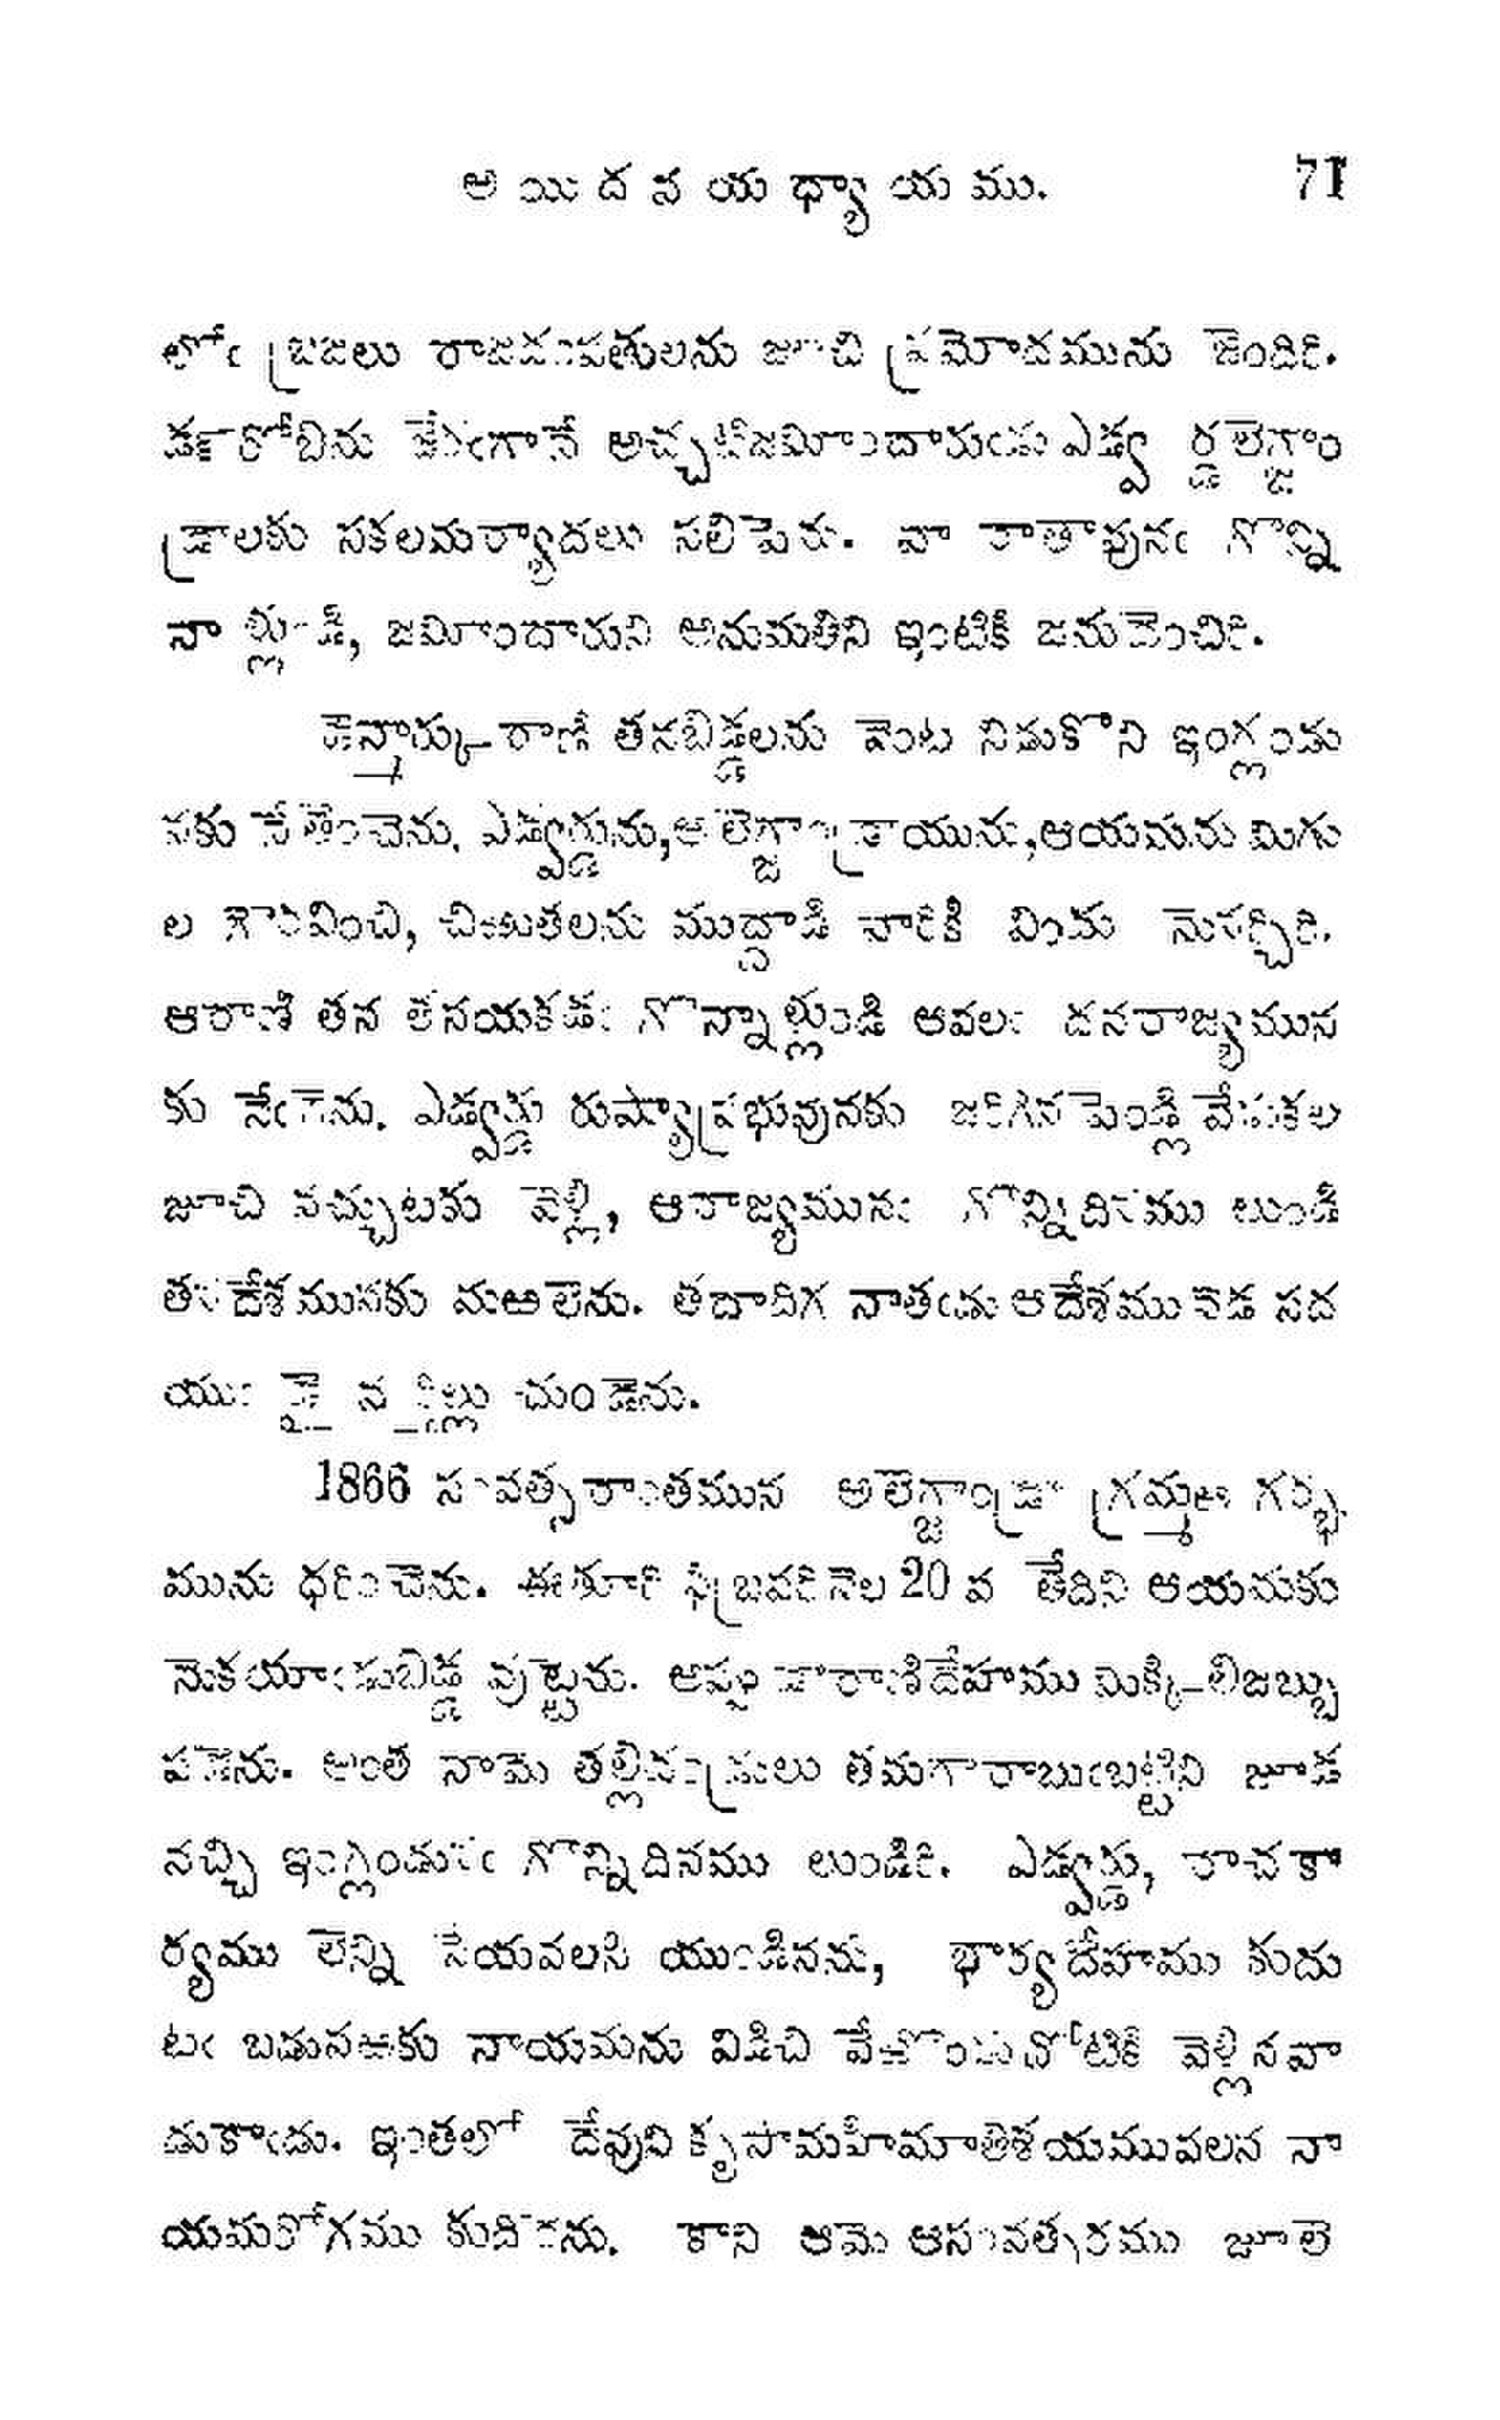లోప్ర జలు రాజుదంపతులను జూచి మోదమును జెందిరి.డన్ రోబిను జేరగానే అచ్చటి జమీందారుడు ఎడ్వర్డ లెగ్జాండ్రాలకు సకల మర్యాదలు సలిపెను. నా తావునం గొన్ని
నాళ్లుండి, జమీందారుని అనుమతిని ఇంటికీ జను దెంచిరి .

డెన్మార్కు. రాణీ తనబిడ్డలను వెంట నిడుకొని ఇంగ్లండు నకు నేతెంచెను, ఎడ్వర్డును, ఆ లెగ్జాండ్రాయును,ఆయనను మిగుల గౌరవించి, చిఱుతలను ముద్దాడి నారికి విందు నొనర్చిరి.
ఆరాణి తన తనయుడ:కడ గొన్నాళ్లుండి ఆవల దసరాజ్యమునకు నేగెను. ఎడ్వర్డు రుష్యా ప్రభువునకు జరిగిన పెండ్లి వేడుకల జూచి వచ్చుటకు వెళ్లి, ఆ రాజ్యమున: కొన్ని దినము లుండి
తన దేశమునకు మరలెను. తదాదిగ నాతడు ఆదేశము నెడ సదయు:డైనర్తిల్లు చుండెను.

1866 స వత్సరా-ంతమున అలెగ్జాండ్ర గ్రమ్మఱ గర్భమును ధరి:ంచెను. ఈ తూరి ఫిబ్రవ నెల 20 వ తేదీని ఆయమకు ఒక యాడు బిడ్డ పుట్టెను. అప్పుడారాణి దేహము మొక్కిలి జబ్బు
పడెను. అంత నామె తల్లిదండ్రులు తమ గారాబుఁబట్టిని జూడవచ్చి ఇంగ్లాండున గొన్ని దినము లుండిరి. ఎడ్వర్డు, రాచకార్యము లెన్ని చేయవలసి యుండినను, భార్య దేహము కుదు
రుటఁ బడువరకు నాయమను విడిచి వేరొండు చోటికి వెళ్లిననాడుకాడు. ఇంతలో దేవుని కృపా మహీమాతిశయము వలన నాయమ రోగము కుదిరెను. కాని ఆమె ఆసంవత్సరము జూలై